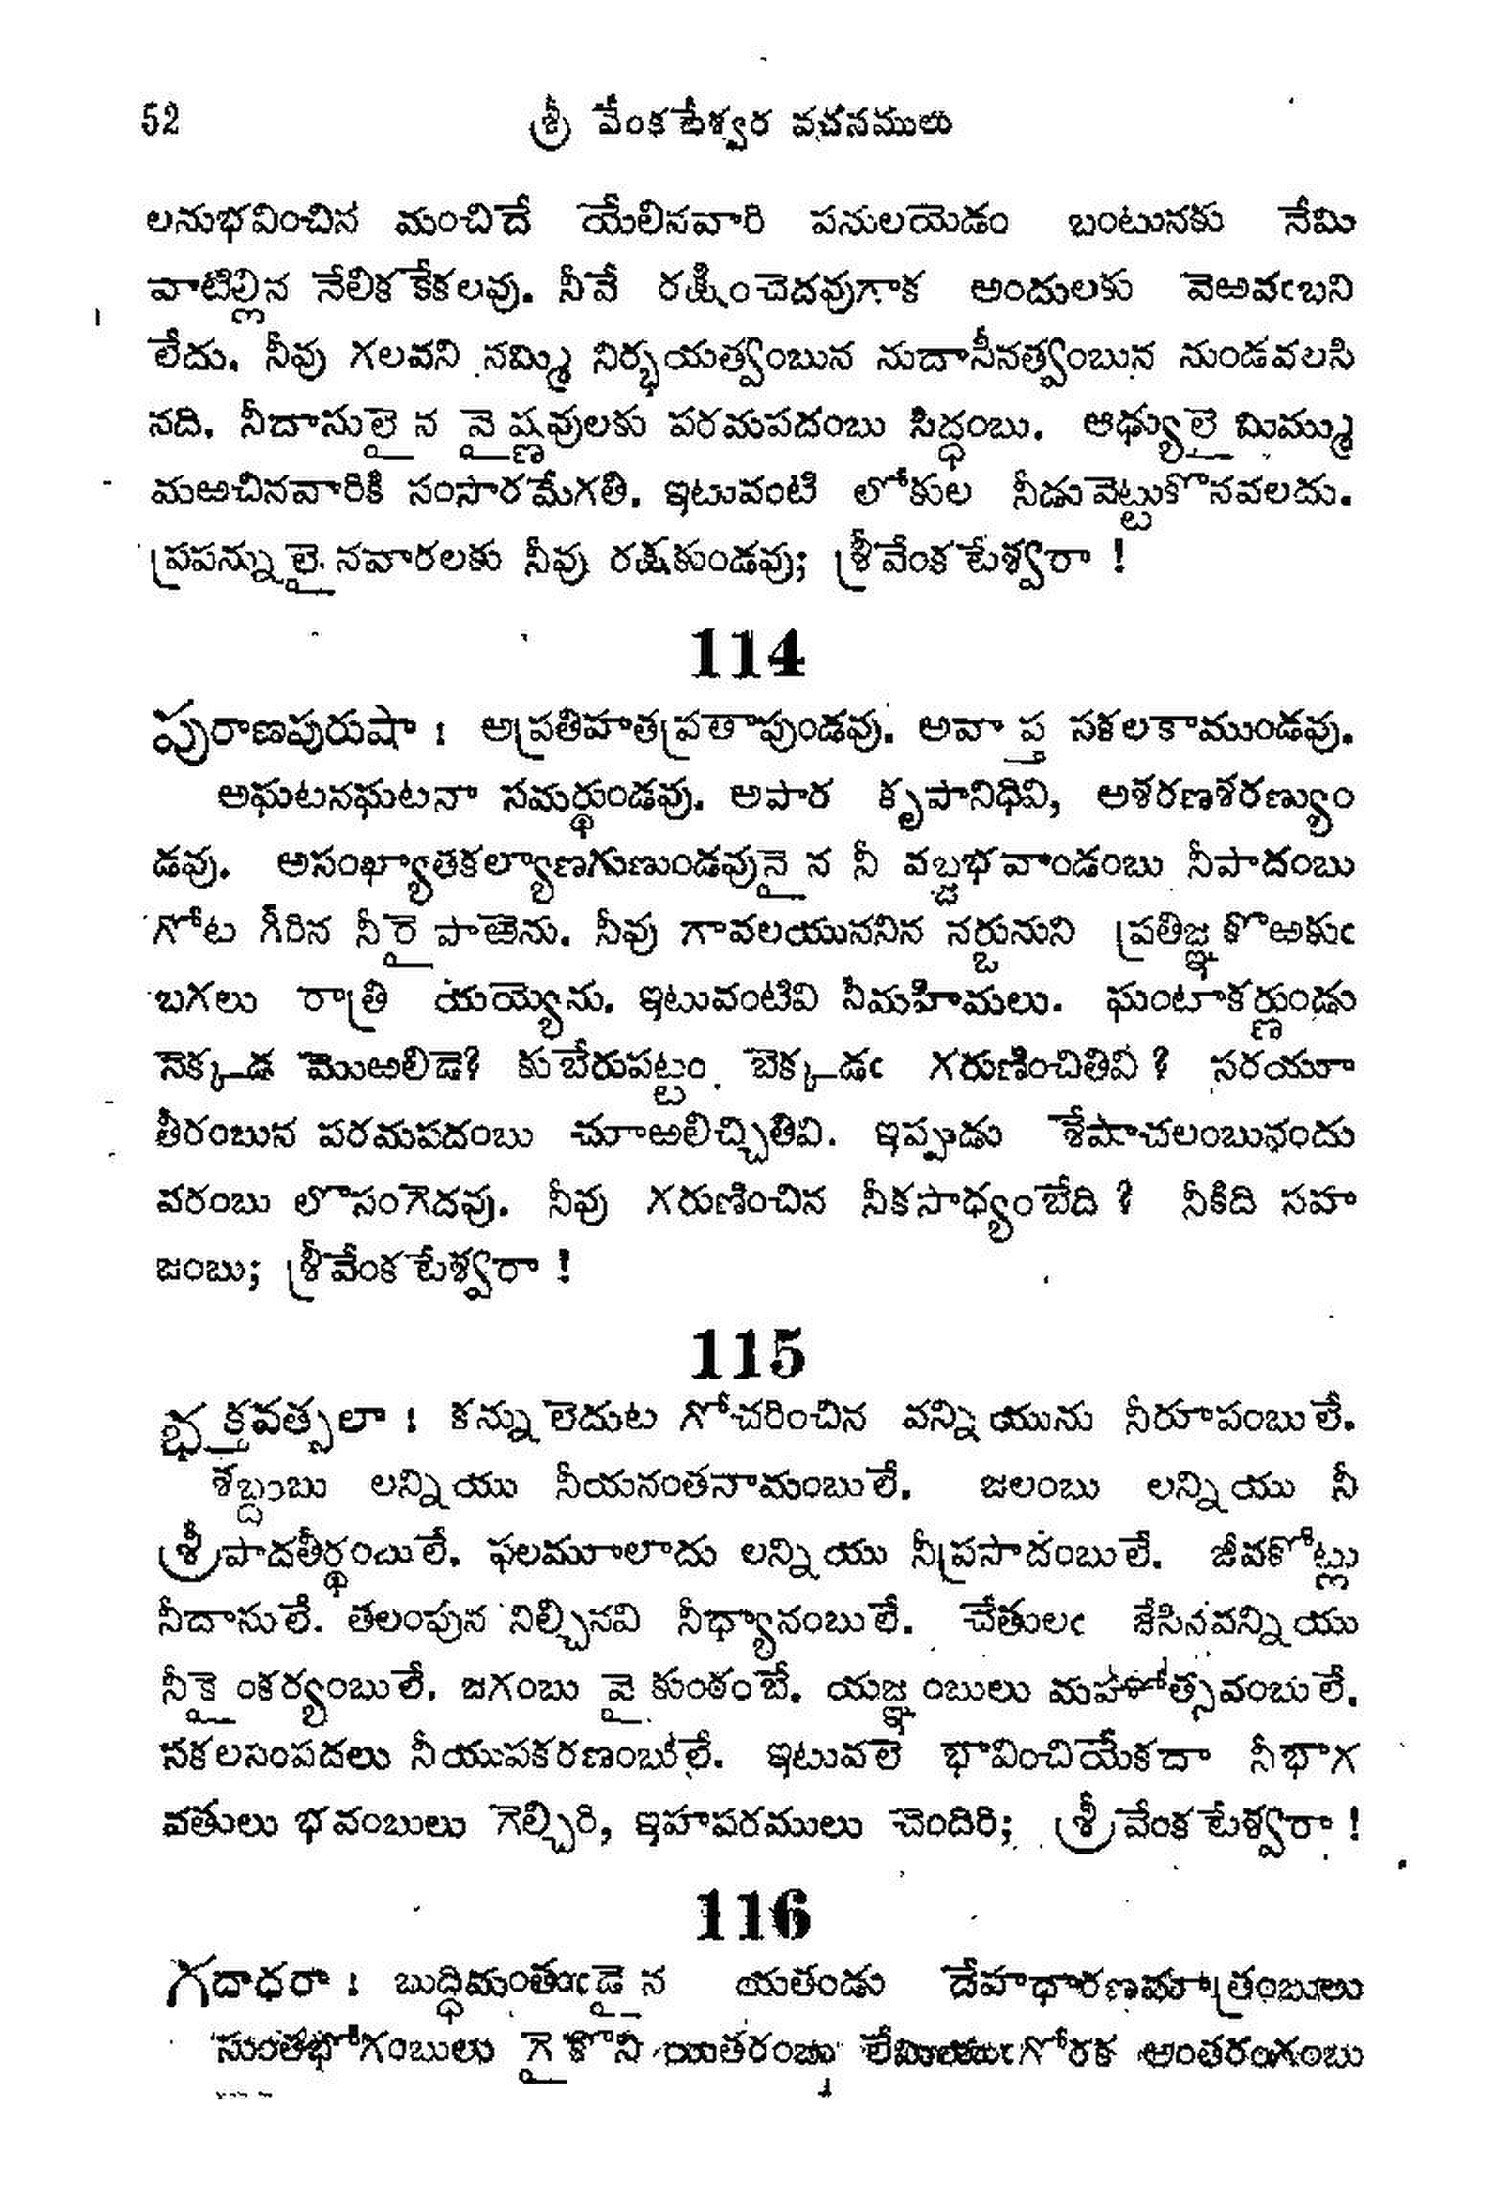లనుభవించిన మంచిదే యేలినవారి పనులయెడం బంటునకు నేమీ వాటిల్లిన నేలిక కేకలవు. నీవే రక్షించెదవుగాక అందులకు వెఱవఁబని లేదు. నీవు గలవని నమ్మి నిర్భయత్వంబున నుదాసీనత్వంబున నుండవలసి నది. నీదాసులైన వైష్ణవులకు పరమపదంబు సిద్ధంబు. ఆడ్యులై మిమ్ము మఱచినవారికి సంసారమేగతి. ఇటువంటి లోకుల నీడు పెట్టుకొనవలదు. ప్రపన్ను లై నవారలకు నీవు రక్షకుండవు; శ్రీ వేంకటేశ్వరా !

114 

 ! అప్రతిహత ప్రతా పుండవు. అవాప్త సకలకాముండవు.
అఘటనఘటనా సమర్థుండవు. అపార కృపానిధివి, అశరణశరణ్యుం డవు. అసంఖ్యాతకల్యాణగుణుండవునైన నీ వల్లభవాండంబు నీపాదంబు గోట గీరిన నీరై పాఱెను. నీవు గావలయుననిన నర్జునుని ప్రతిజ్ఞ కోఱకుఁ బగలు రాత్రి యయ్యెను. ఇటువంటివి నీమహిమలు. ఘంటాకర్లుండు నెక్కడ 'మొఱలిడె? కుబేరుపట్టం. బెక్కడఁ గరుణించితివి ? సరయూ తీరంబున పరమపదంబు చూఱలిచ్చితివి. ఇప్పుడు శేషాచలంబునందు వరంబు లొసంగెదవు. నీవు గరుణించిన నీకసాధ్యంబేది ? నీకిది సహ జంబు; శ్రీ వేంక టేశ్వరా ! 

115 

 ! కన్ను లెదుట గోచరించిన వన్ని యును నీరూపంబు లే. శబ్దంబు లన్నియు నీయనంతనామంబులే, జలంబు లన్నియు నీ శ్రీపాదతీర్థంబు లే, ఫలమూలాదు లన్నియు నీప్రసాదంబు లే జీవకోట్లు నీదాసులే. తలంపున నిల్చినవి నీధ్యానంబులే. చేతులఁ జేసినవన్నియు నీకైంకర్యంబు లే. జగంబు వైకుంఠంబే. యజ్ఞ ంబులు మహాత్సవంబు లే. సకలసంపదలు నీ యుపకరణంబు లే. ఇటువలే భావించియేకదా నీభాగ వతులు భవంబులు గెల్చిరి, ఇహపరములు చెందిరి; శ్రీవేంకటేశ్వరా !

116

 ! బుద్ధిమంతుఁడైన యతండు దేహధారణమాత్రంబులు సుంతభోగంబులు గైకొని యితరంబు 'లేమియుఁ గోరక అంతరంగంబు